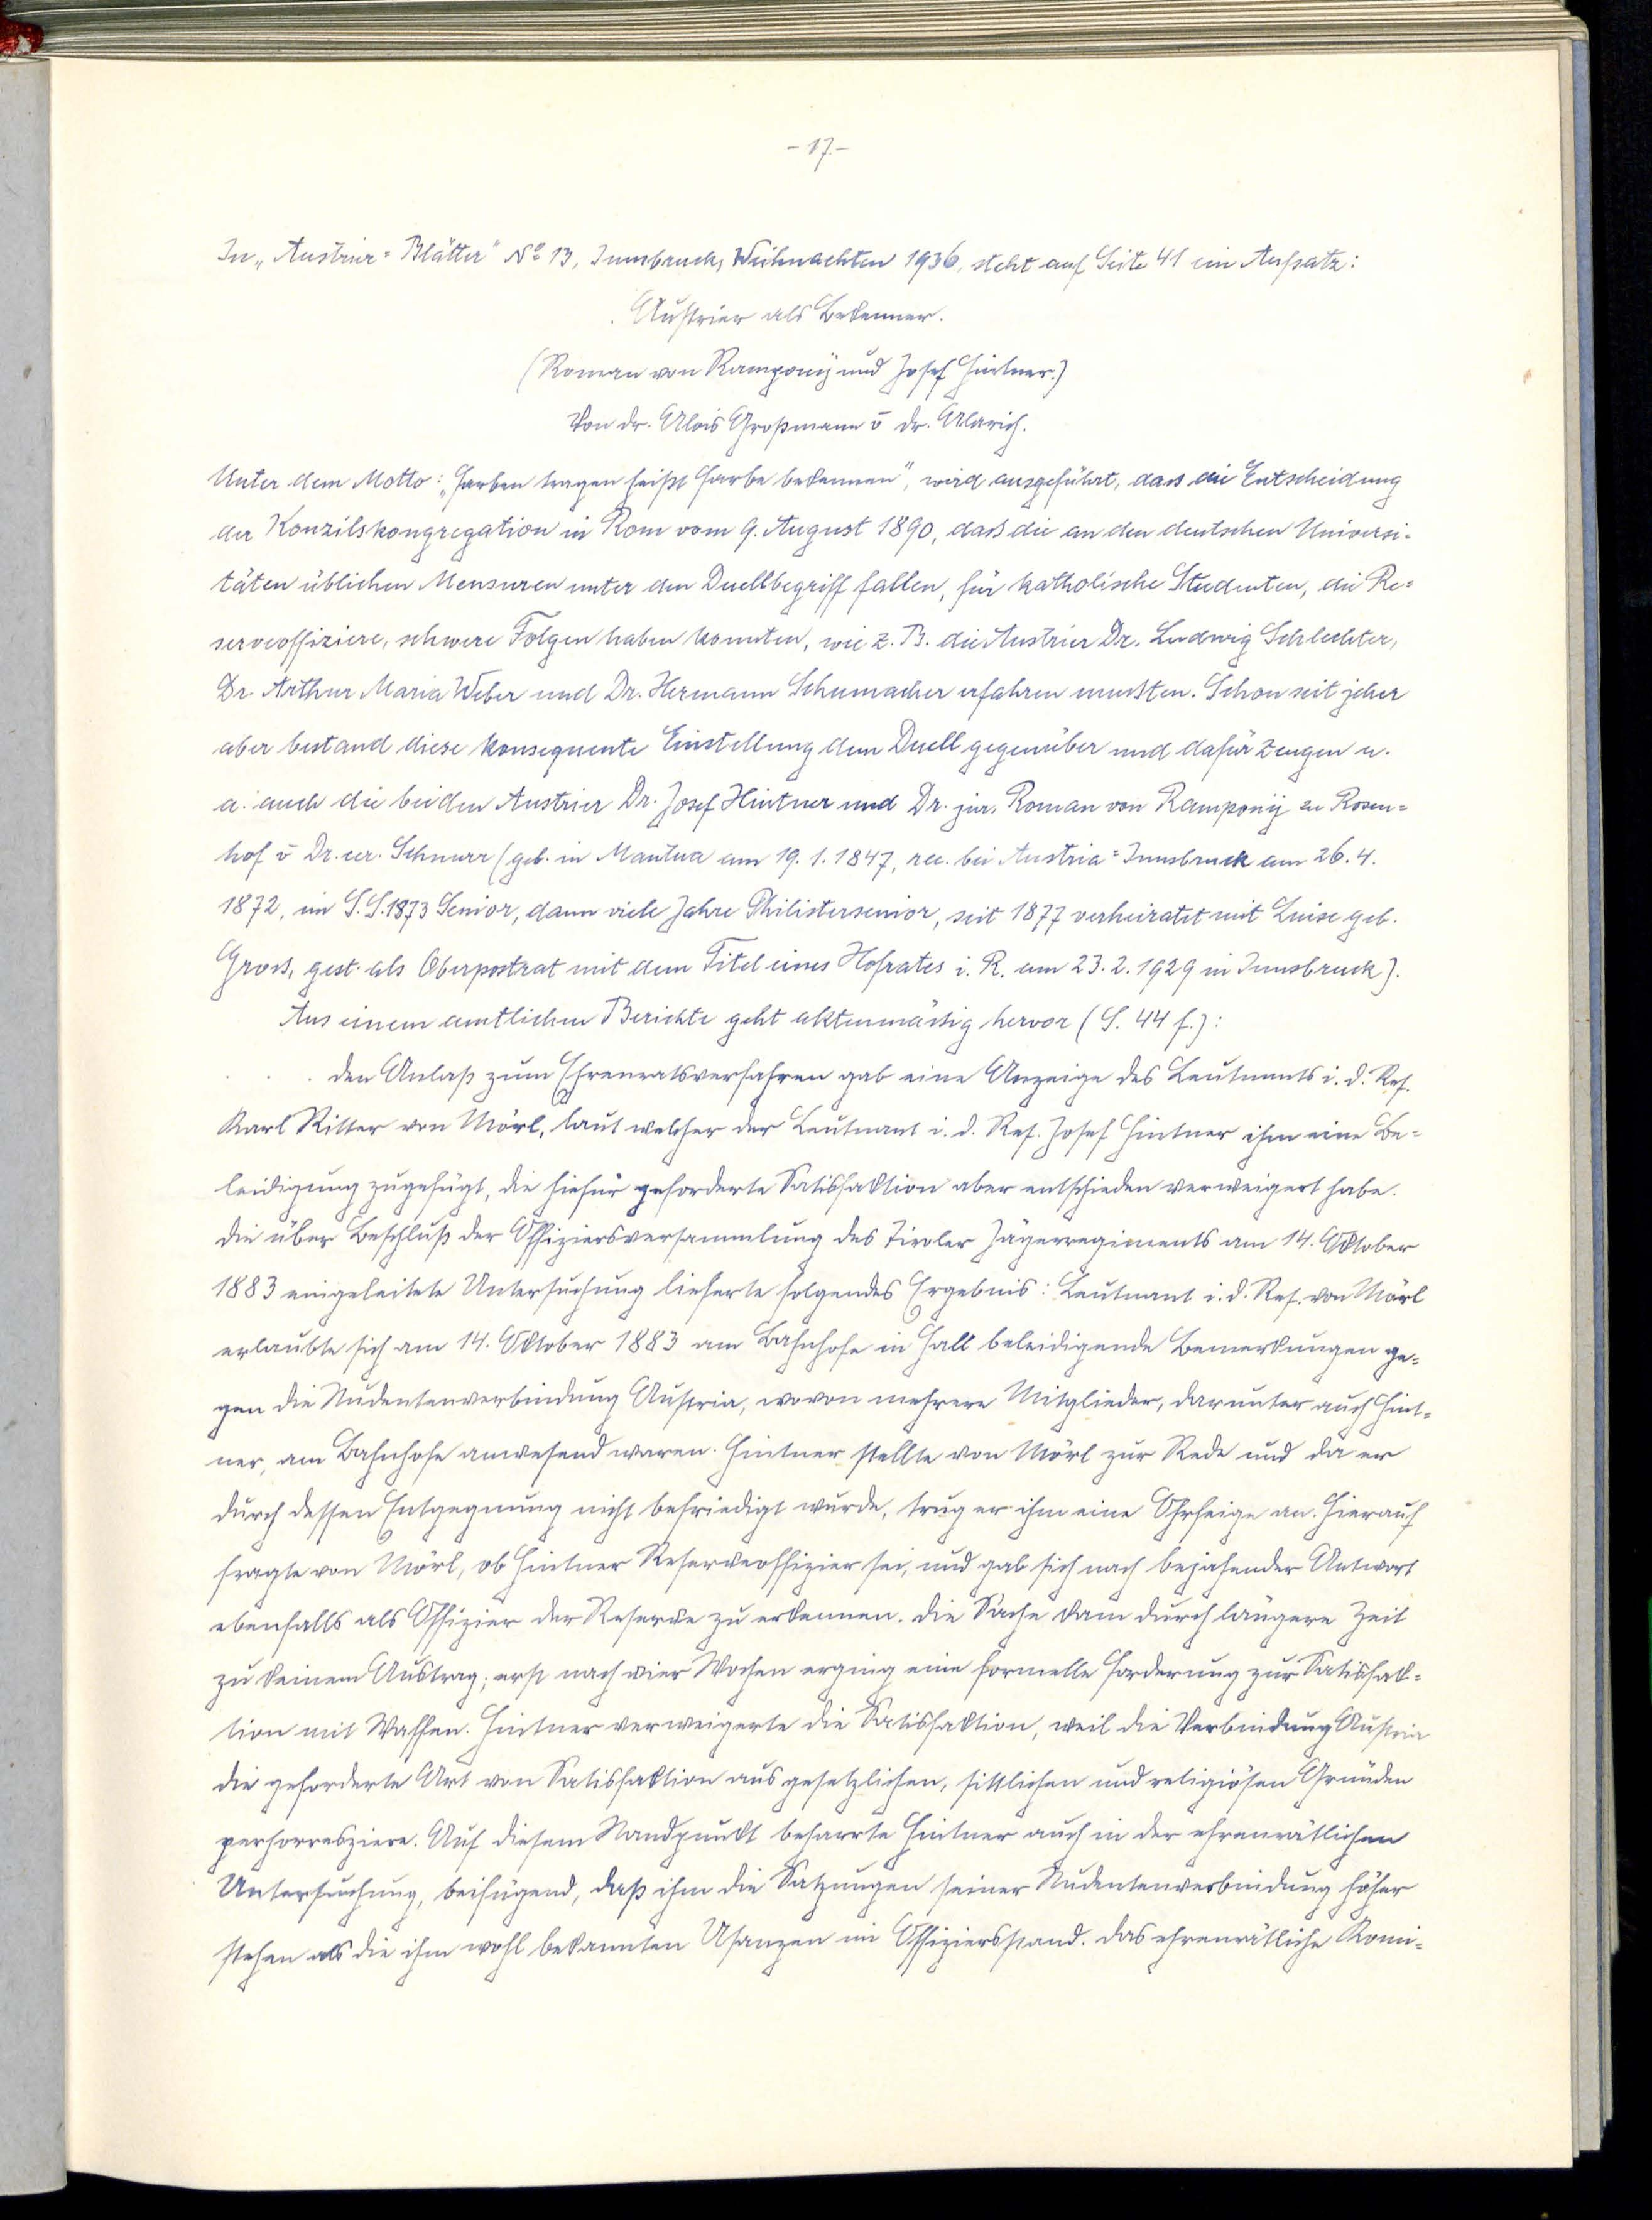17.
In "Austria - Blätter" N° 13, Innsbruck, Weihnachten 1936 steht auf Seite 41 im Aufsatz:
Austria und Bekenner
(Roman von Ramponij und Josef Hintner.)
VOn Dr. Alois Grossmann v/o Dr. Alarich.
Unter dem Motto: "Farben tragen heißt Farbe bekennen", wird ausgeführt, dass die Entscheidung
der Konzilskongregation in Rom vom 9. August 1890, dass die an den deutschen Universi-
täten üblichen Mensuren unter den Duellbegriff fallen, für katholische Studenten, die Re-
serveoffiziere, schwere Folgen haben konnten, wie z.B. die Austrier Dr. Ludwig Schlechter,
Dr. Arthur Maria Weber und Dr. Hermann Schumacher erfahren mussten. Schon seit jeher
aber bestand diese konsequente Einstellung dem Duell gegenüber und dafür zeugen u.
a. auch die beiden Austrier Dr. Josef Hintner und Dr. jur. Roman von Rompanis zu Rosen-
hof v/o Dr. cer. Schnurr (geb. in Mantua am 19.1.1847, rec. bei Austria-Innsbruck am 26.4.
1872, im S.S.1873 Senior, dann viele Jahre Philistersenior, seit 1877 verheiratet mit Luise, geb.
Gross, gest. als Oberpostrat mit dem Titel eines Hofrates i. R. am 23.2.1929 in Innsbruck).
Aus einem amtlichen Berichte geht aktenmäßig hervor (S. 44 f.):
Der Anlaß zum Ehrenratsverfahren gab eine Anzeige des Leutnants i. d. Res.
Karl Ritter von Mörl, laut welcher der Leutnant in der Res. Josef Hintner ihm eine Be-
leidigung zugefügt, die hierfür geforderte Satisfaktion aber entschieden verweigert habe.
Die über Beschluss der Offiziersversammlung des Tiroler Jägerregiments am 14. Oktober
1883 eingeleitete Untersuchung lieferte folgendes Ergebnis: Leutnant i. d. Res. von Wörl
erlaubte sich am 14. Oktober 1883 am Bahnhofe in Hall beleidigende Bemerkungen ge-
gen die Studentenverbindung Austria, wovon mehrere Mitglieder, darunter auch Hint-
ner am Bahnhofe anwesend waren. Hintner stellte von Mörl zur Rede und da er
durch dessen Entgegnung nicht befriedigt wurde, trug er ihm eine Ohrfeige an. Hierauf
fragte von Mörl, ob Hintner Reserveoffizier sei und gab sich nach bejahender Antwort
ebenfalls als Offizier der Reserve zu erkennen. Die Sache kam durch längere Zeit
zu keinem Austrag, erst nach vier Wochen erging eine formelle Forderung zu Satisfak-
tiuon mit Waffen. Hintner verweigerte die Satisfaktion, weil die Verbindung Austria
die geforderte Art von Satisfaktion aus gesetzlichen, sittlichen und religiösen Gründen
perhorresziere. Auf diesem Standpunkt beharrte Hintner auch in der ehrenrätlichen
Untersuchung, beifügend, daß ihm die Satzungen seiner Studentenverbindung höher-
stehen als die ihm wohl bekannten Usanzen im Offiziersstand. Das ehrenrätliche Komi-